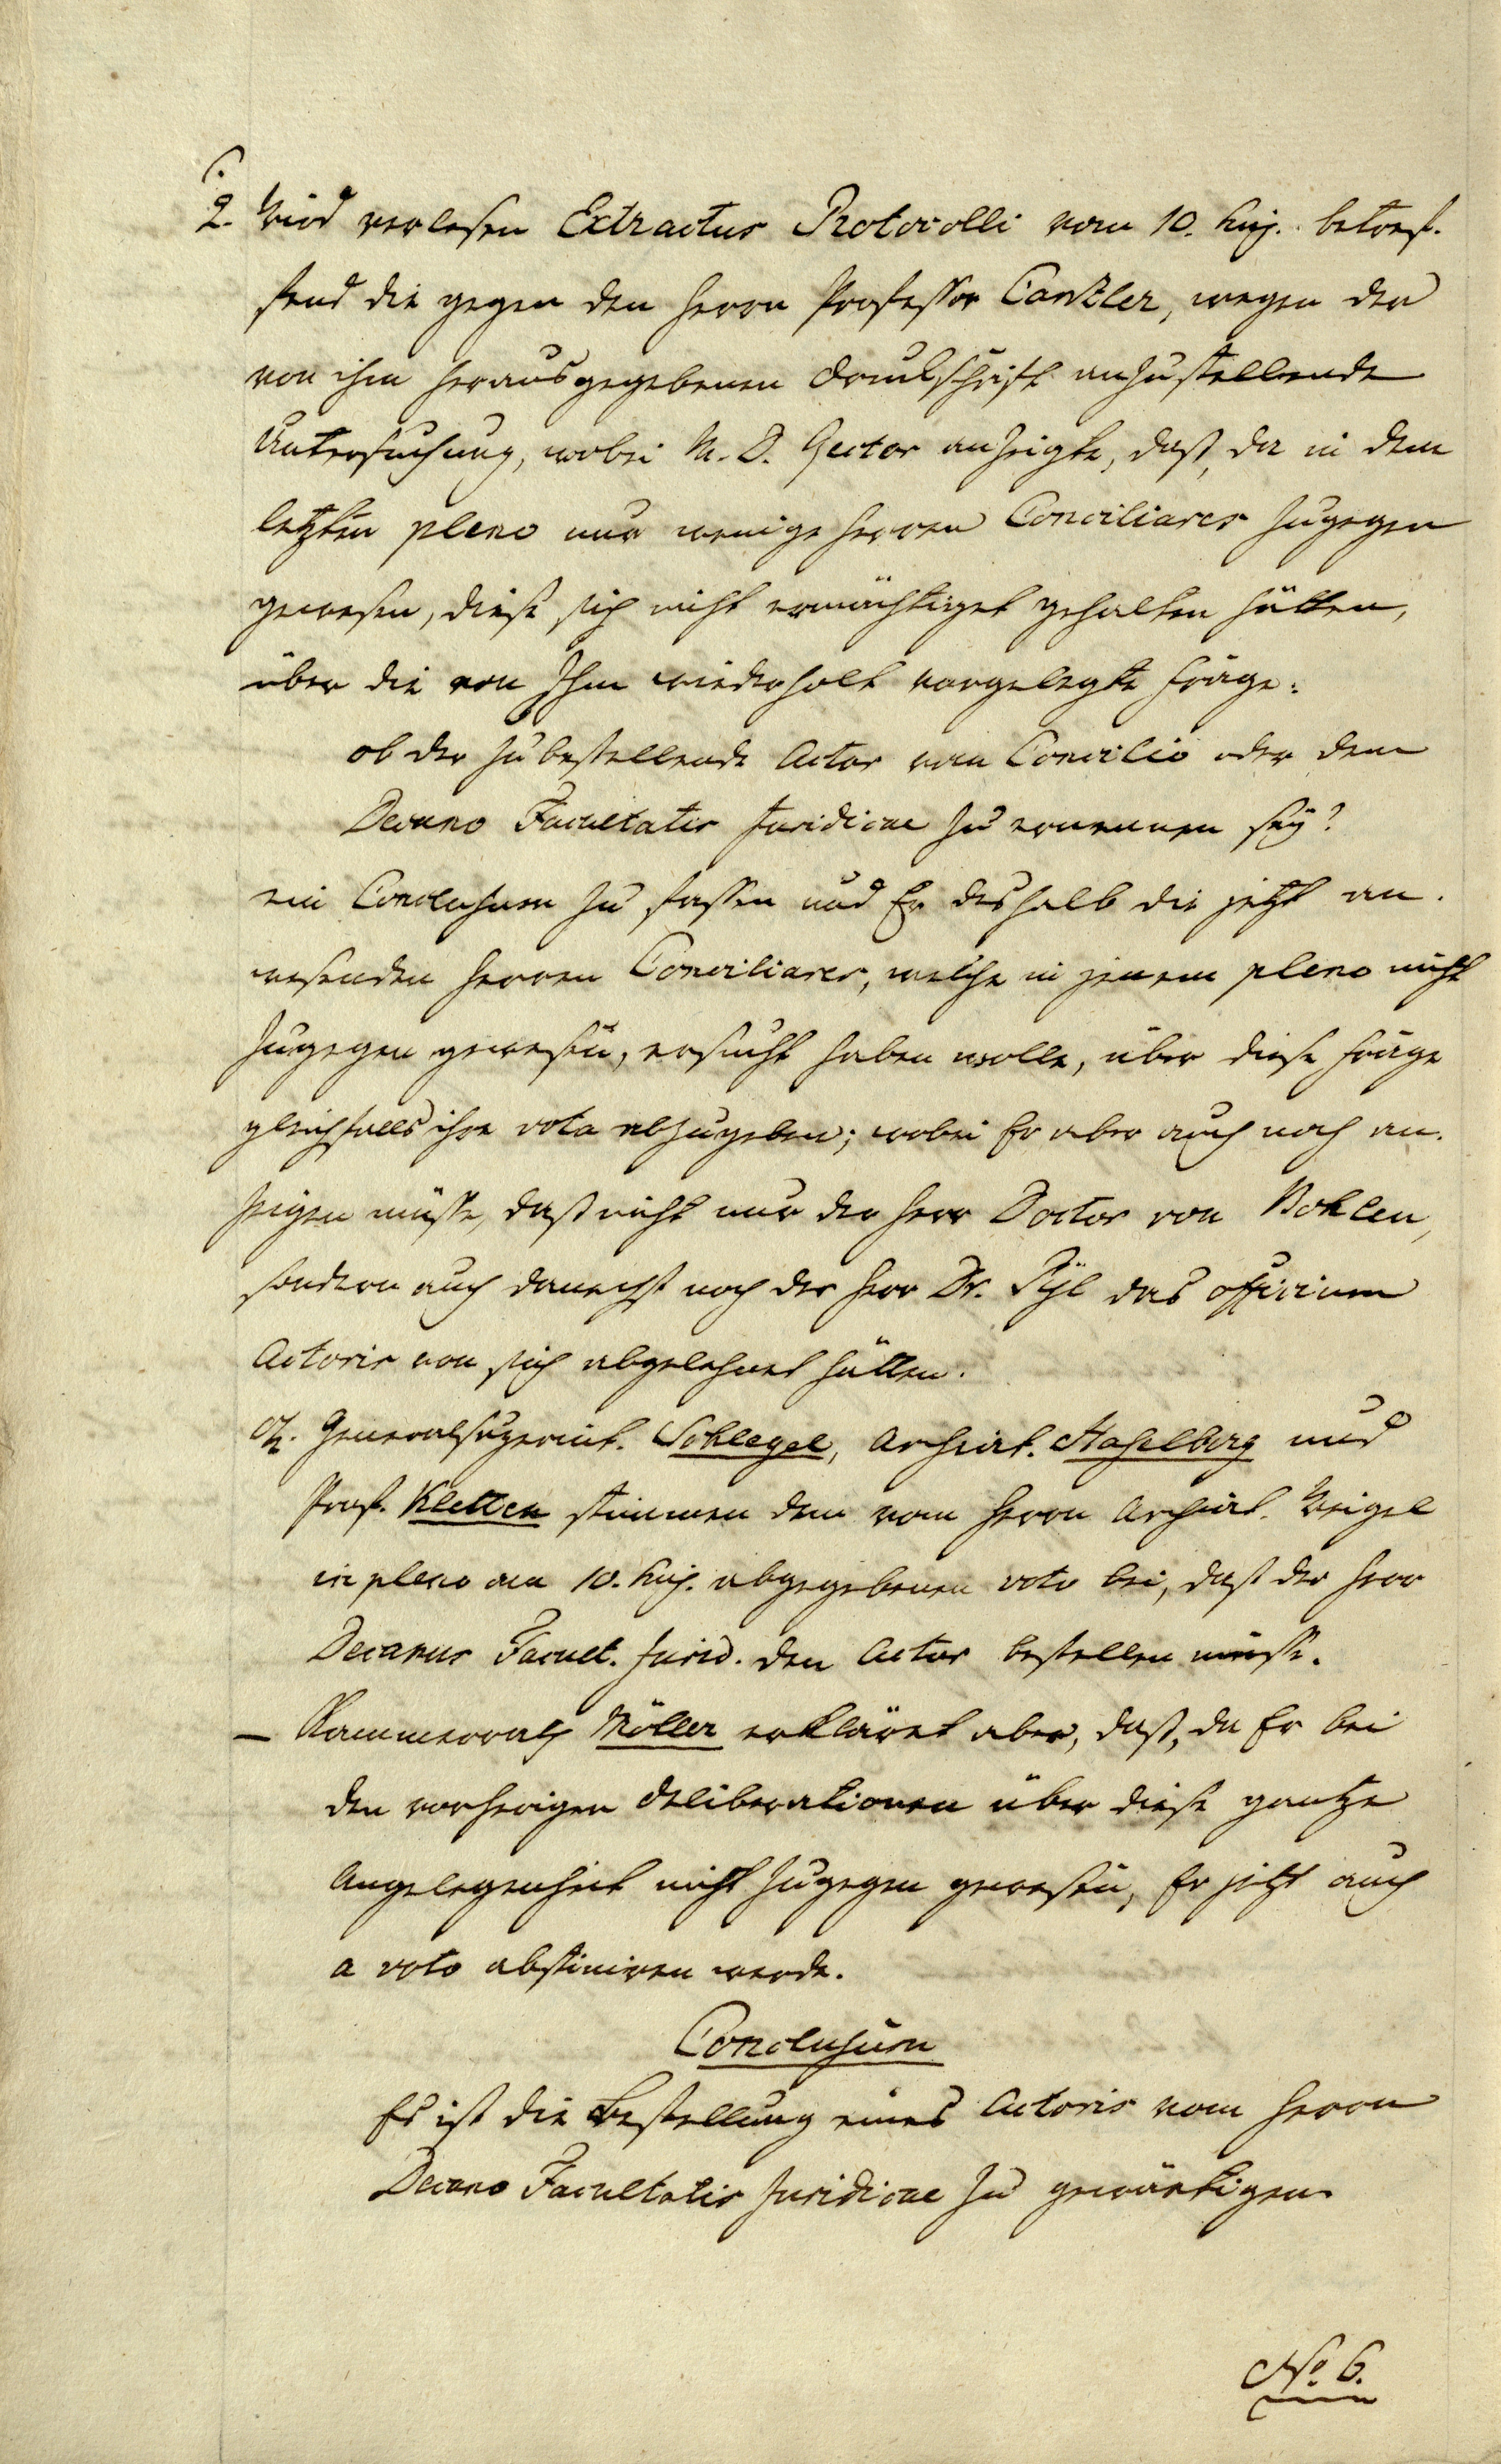2. Wird verlesen Extractus Protocolli vom 10. huj. betref¬
fend die gegen den Herrn Professor Canzler, wegen der
von ihm herausgegebenen Druckschrift anzustellende
Untersuchung, wobei M. D. Rector anzeigte, daß, da in dem
letzten pleno nur wenige Herren Conciliares zugegen
gewesen, diese sich nicht ermächtiget gehalten hätten,
über die von Ihm wiederholt vorgelegte Frage:
ob der zu bestellende Actor vom Concilio oder dem
Decano Facultatis Juridicae zu ernennen seÿ?
ein Conclusum zu fassen und Er deshalb die jetzt an¬
wesenden Herren Conciliares, welche in jenem pleno nicht
zugegen gewesen, ersucht haben wolle, über diese Frage
gleichfalls ihre vota abzugeben; wobei Er aber auch noch an¬
zeigen müsse, daß nicht nur der Herr Doctor von Bohlen
sondern auch danechst noch der Herr Dr. Pÿl das officium
Actoris von sich abgelehnet hätten.
2. Generalsuperint. Schlegel, Archiat. Haselberg und
Prof. Kletten stimmen dem vom Herrn Archiat Weigel
in pleno am 10. huj. abgegebenen voto bei, daß der Herr
Decanus Facult. Jurid. den Actor bestellen müsse.
Kammerrath Möller erkläret aber, daß, da Er bei
den vorherigen Deliberationen über diese gantze
Angelegenheit nicht zugegen gewesen, Er jetzt auch
a voto abstiniren werde.
Conclusum
Es ist die Bestellung eines Actoris vom Herrn
Decano Facultatis Juridicae zu gewärtigen.
No 6.